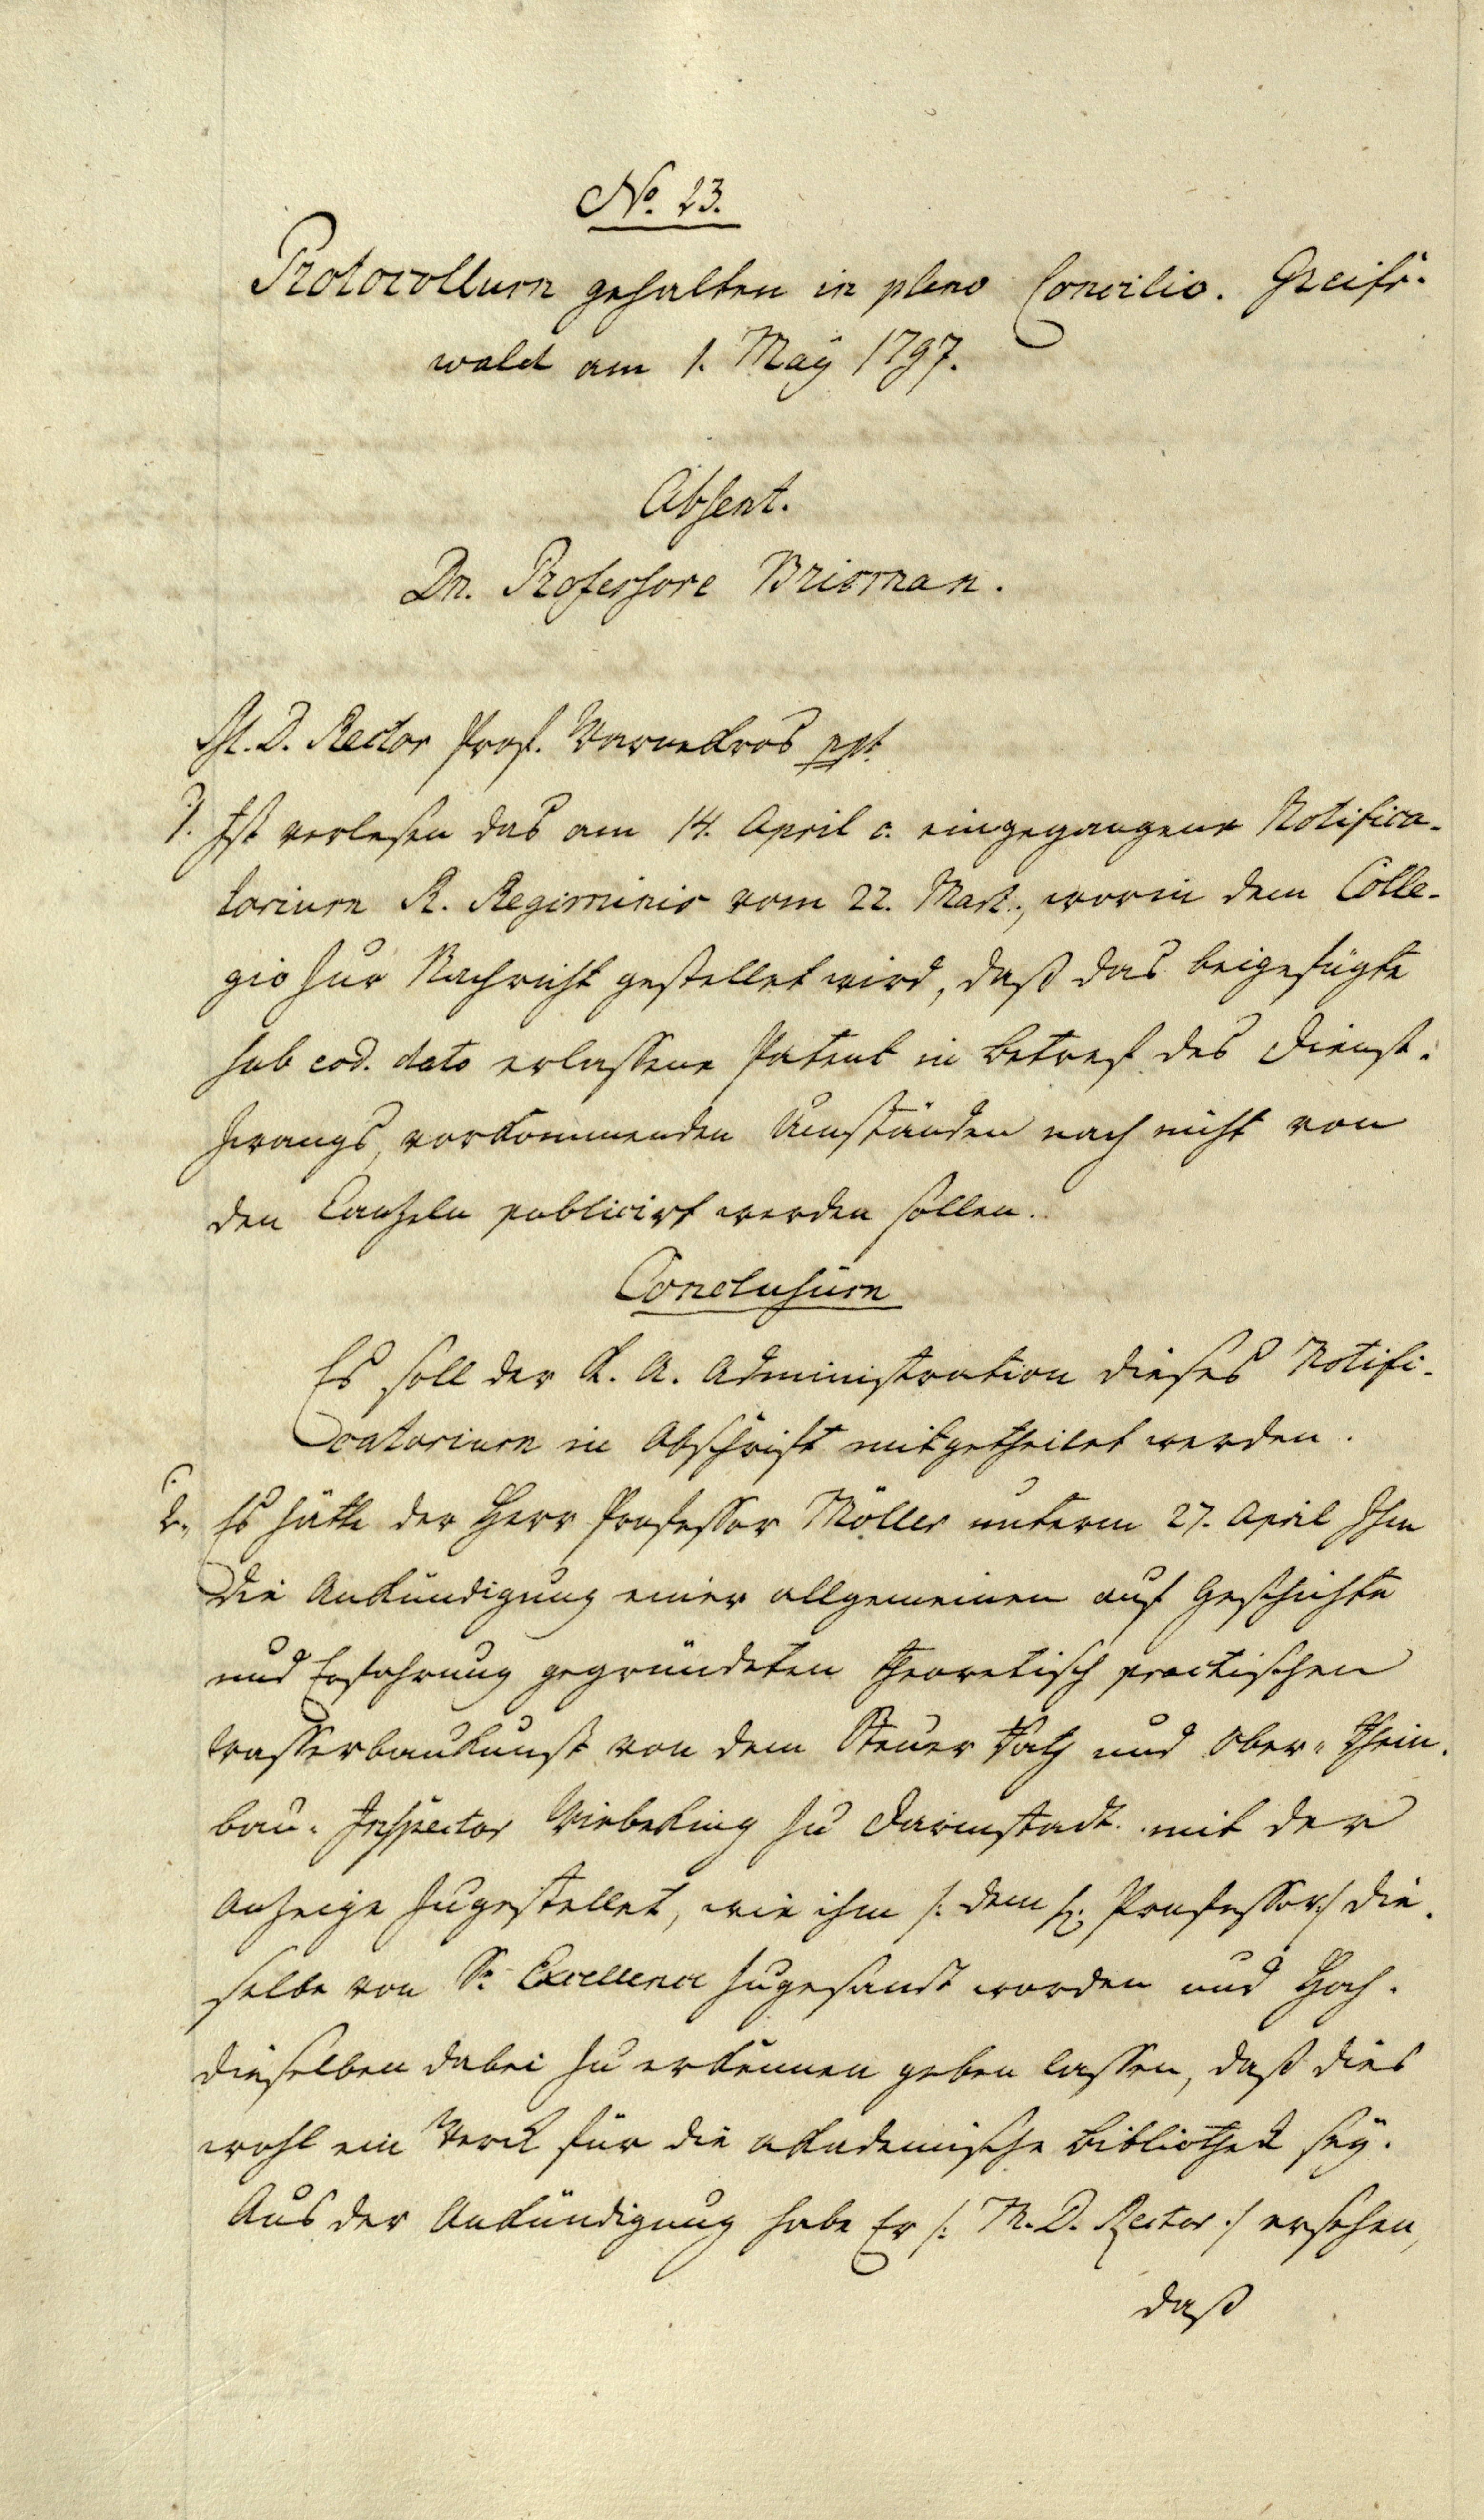No 23.
Protocollum gehalten in pleno Concilio. Greifs¬
wald am 1. Maÿ 1797.
Absent.
Dn. Professore Brisman.
M D. Rector Prof. Warnekros ppt
1. Ist verlesen das am 14. April c. eingegangene Notifica¬
torium R. Regiminis vom 22. Mart., worin dem Colle¬
gio zur Nachricht gestellet wird, daß das beigefügte
sub eod. dato erlassene Patent in Betref des Dienst¬
zwangs, vorkommenden Umständen nach nicht von
den Canzeln publicirt werden sollen.
Conclusum
Es soll der K. A. Administration dieses Notifi¬
catorium in Abschrift mitgetheilet werden.
2. Es hätte der Herr Professor Möller unterm 27. April Ihm
die Ankündigung einer allgemeinen auf Geschichte
und Erfahrung gegründeten theoretisch practischen
Wasserbaukunst von dem Steuer Rath und Ober- Rhein¬
Bau- Inspector Wiebeking zu Darmstadt mit der
Anzeige zugestellet, wie ihm /: dem h. Professor ./ die¬
selbe von Sr. Excellence zugesandt worden und Hoch¬
dieselben dabei zu erkennen geben lassen, daß dies
wohl ein Werck für die akademische Bibliothek seÿ.
Aus der Ankündigung habe Er /: M. D. Rector ./ ersehen,
daß